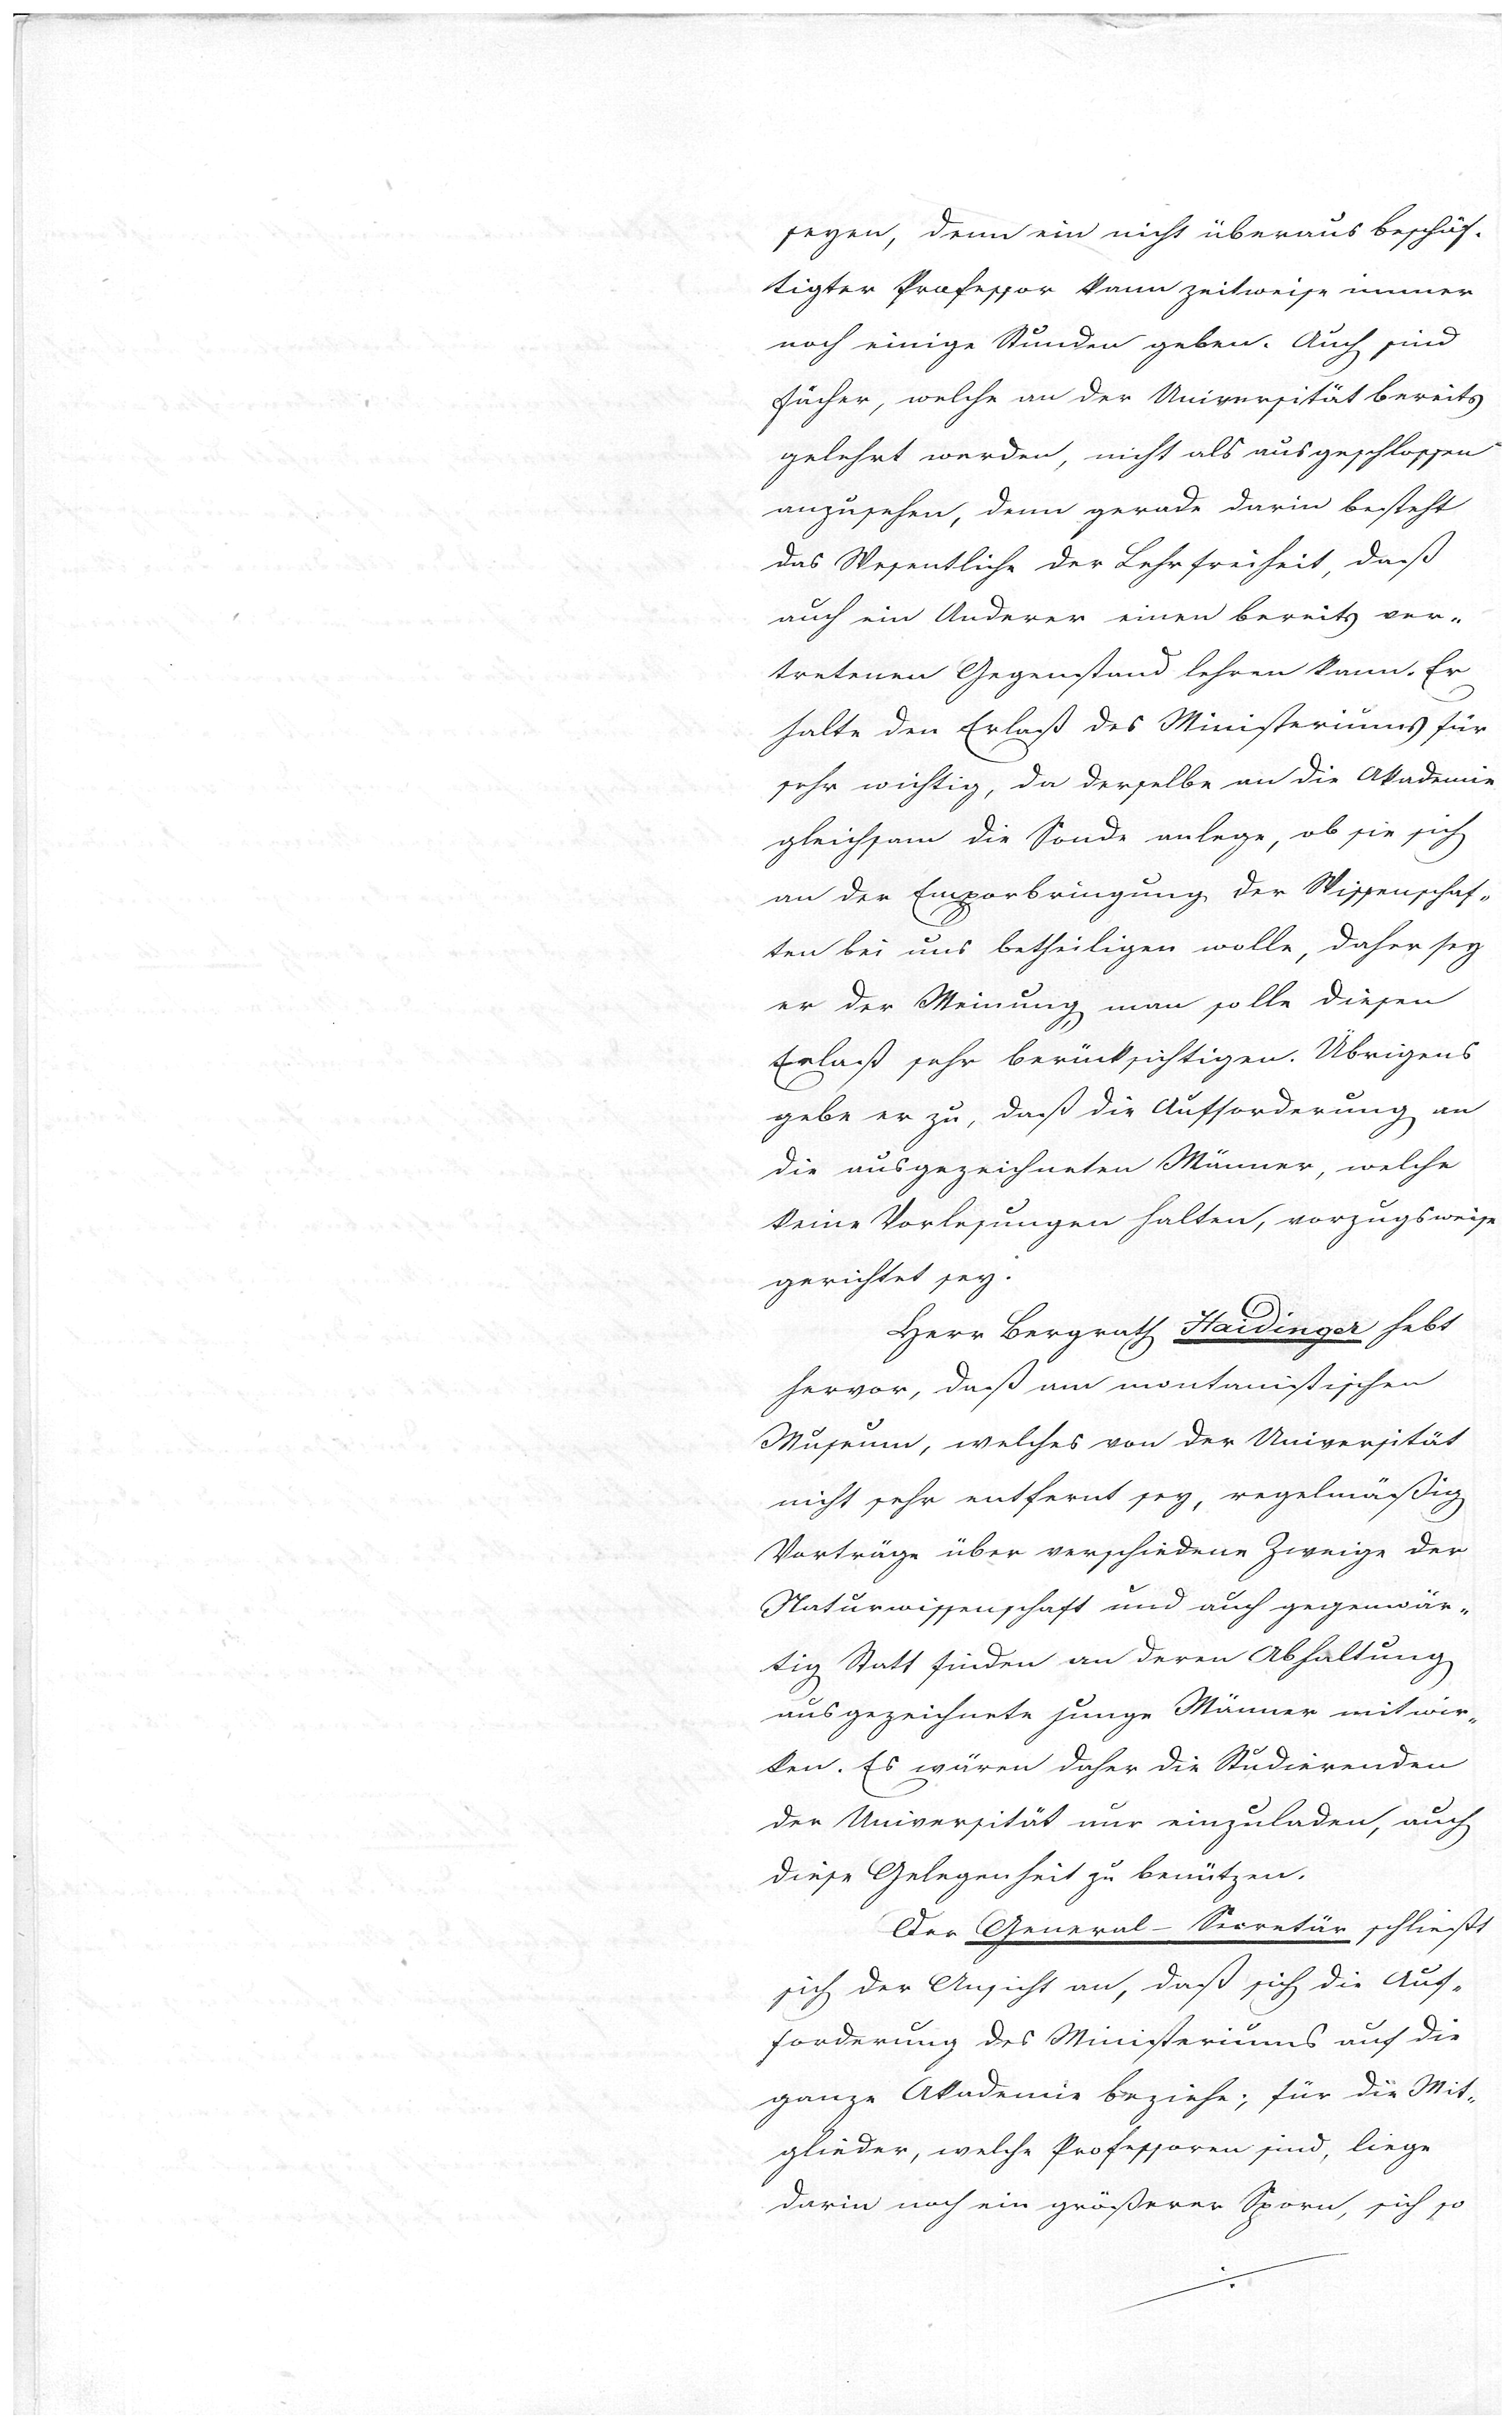seyen, denn ein nicht überaus beschäf-
tigter Professor kann zeitweise immer
noch einiges Stunden geben. Auch sind
Fächer, welche an der Universität bereits
gelehrt werden, nicht als ausgeschlossen
anzusehen, denn gerade darin besteht
das Wesentliche der Lehrfreiheit, daß
auch ein Anderer einen bereits ver-
tretenen Gegenstand lehren kann. Er
halte den Erlaß des Ministeriums für
sehr wichtig, da derselbe an die Akademie
gleichsam die Sonde anlege, ob sie sich
an der Emporbringung der Wissenschaf-
ten bei uns betheiligen wolle, daher sey
er der Meinung, man solle diesen
Erlaß sehr berücksichtigen. Übrigens
gebe er zu, daß die Anforderung an
die ausgezeichneten Männer, welche
keine Vorlesungen halten, vorzugsweise
gerichtet sey.
Herr Bergrath Haidinger hebt
hervor, daß am montanistischen
Museum, welches von der Universität
nicht sehr entfernt sey, regelmäßig
Vorträge über verschiedene Zweige der
Naturwissenschaft und auch gegenwär-
tig Statt finden an deren Abhaltung
ausgezeichnete junge Männer mitwir-
ken. Es wären daher die Studierenden
der Universität nur einzuladen, auch
diese Gelegenheit zu benützen.
Der General-Secretär schließt
sich der Ansicht an, daß sich die Auf-
forderung des Ministeriums auf die
ganze Akademie beziehe; für die Mit-
glieder, welche Professoren sind, liege
darin noch ein größerer Sporn, sich so